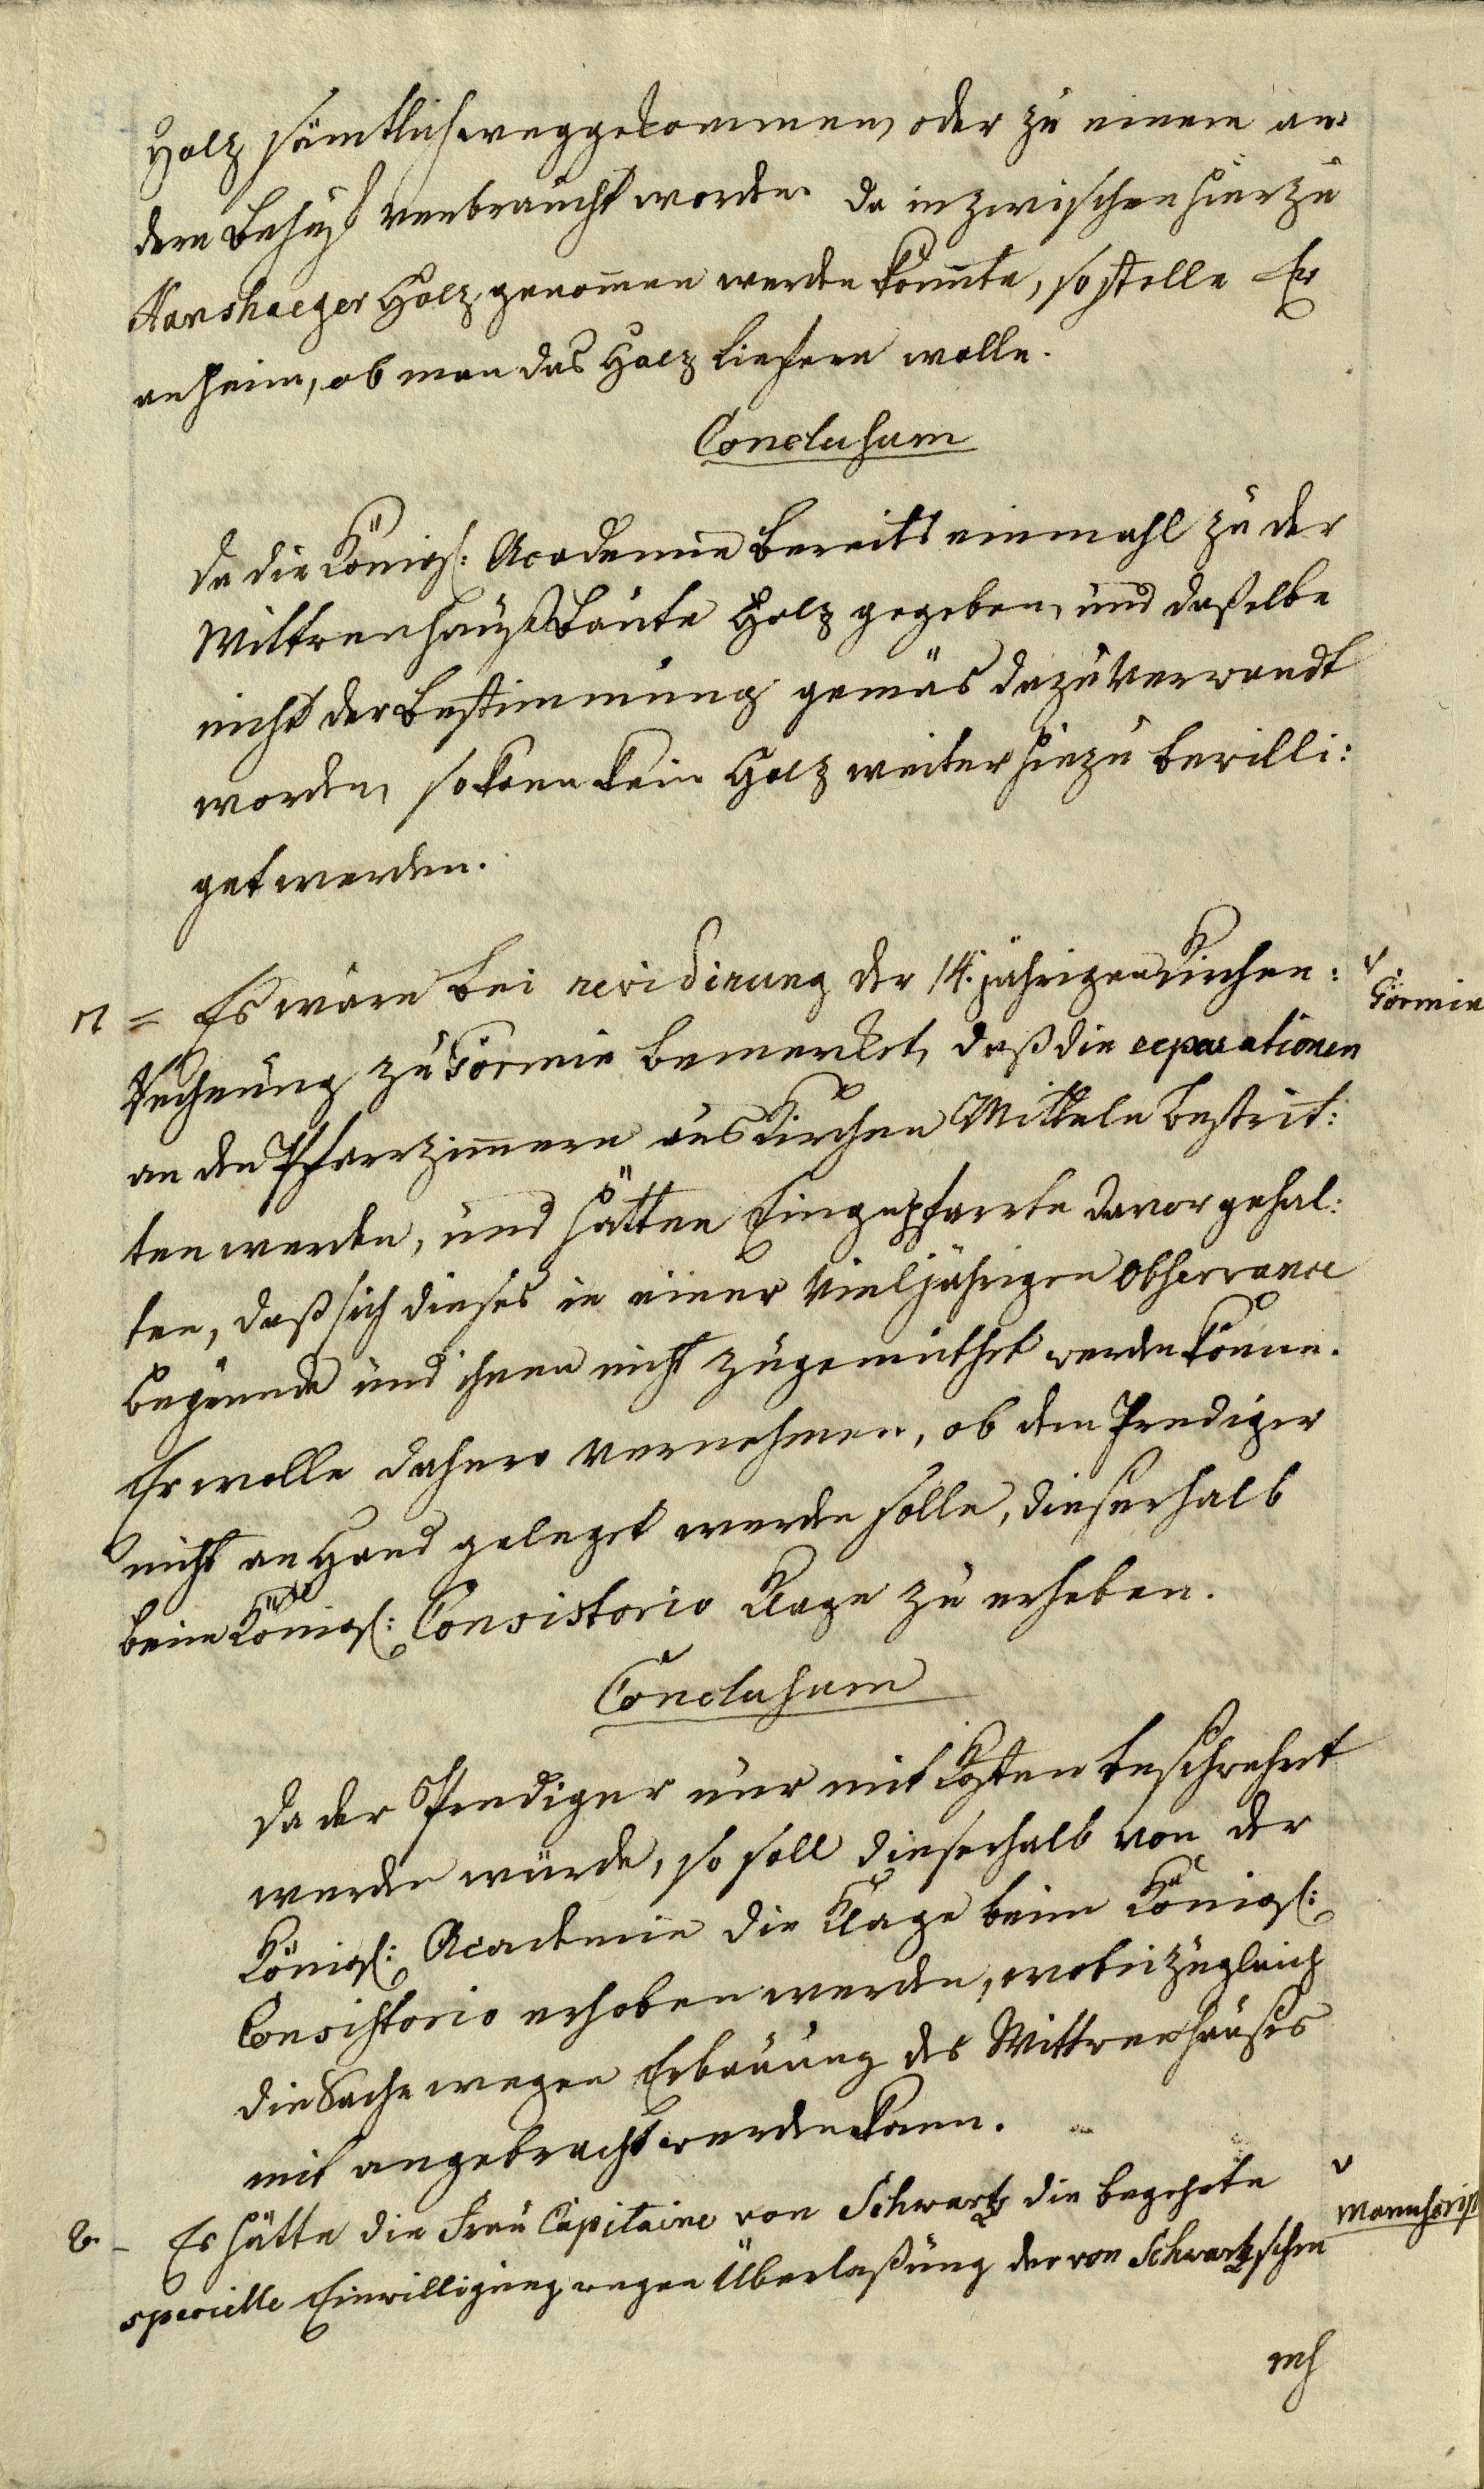Holz sämtlich weggekommen oder zu einem an¬
dern Behuf verbraucht worden. Da inzwischen hierzu
Hanshaeger Holz genommen werden könnte, so stellle Er
anheim, ob man das Holz liefern wolle.
Conclusum
da die Königl. Academie bereits einmahl zu der
WittwenhausBaute Holz gegeben, und daßelbe
nicht der Bestimmung gemäs dazu verwandt
worden, so kann kein Holz weiter hiezu bewilli¬
get werden.
7. Es wäre bei revidirung der 14. jährigen Kirchen¬
Rechnung zu Görmin bemercket, daß die reparationen
an den Pfarrzimmern aus KirchenMitteln bestrit¬
ten werden, und hätten Eingepfarrte davor gehal¬
ten, daß sich dieses in einer vieljährigen Observance
begründe und ihnen nicht zugemuthet werden könne.
Er wolle dahero vernehmen, ob dem Prediger
nicht an Hand gelegt werden solle, dieserhalb
beim Königl. Consistorio Klage zu erheben.
Conclusum
Da der Herr Prediger nur mit Kosten beschwehret
werden würde, so soll dieserhalb von der
Königl. Academie die Klage beim Königl.
Consistorio erhoben werden, wobei zugleich
die Sache wegen Erbauung des Wittwenhauses
mit angebracht werden kann.
8. Es hätte die Frau Capitaine von Schwartz die begehrte
specielle Einwilligung wegen Überlaßung der von Schwartzschen
ms